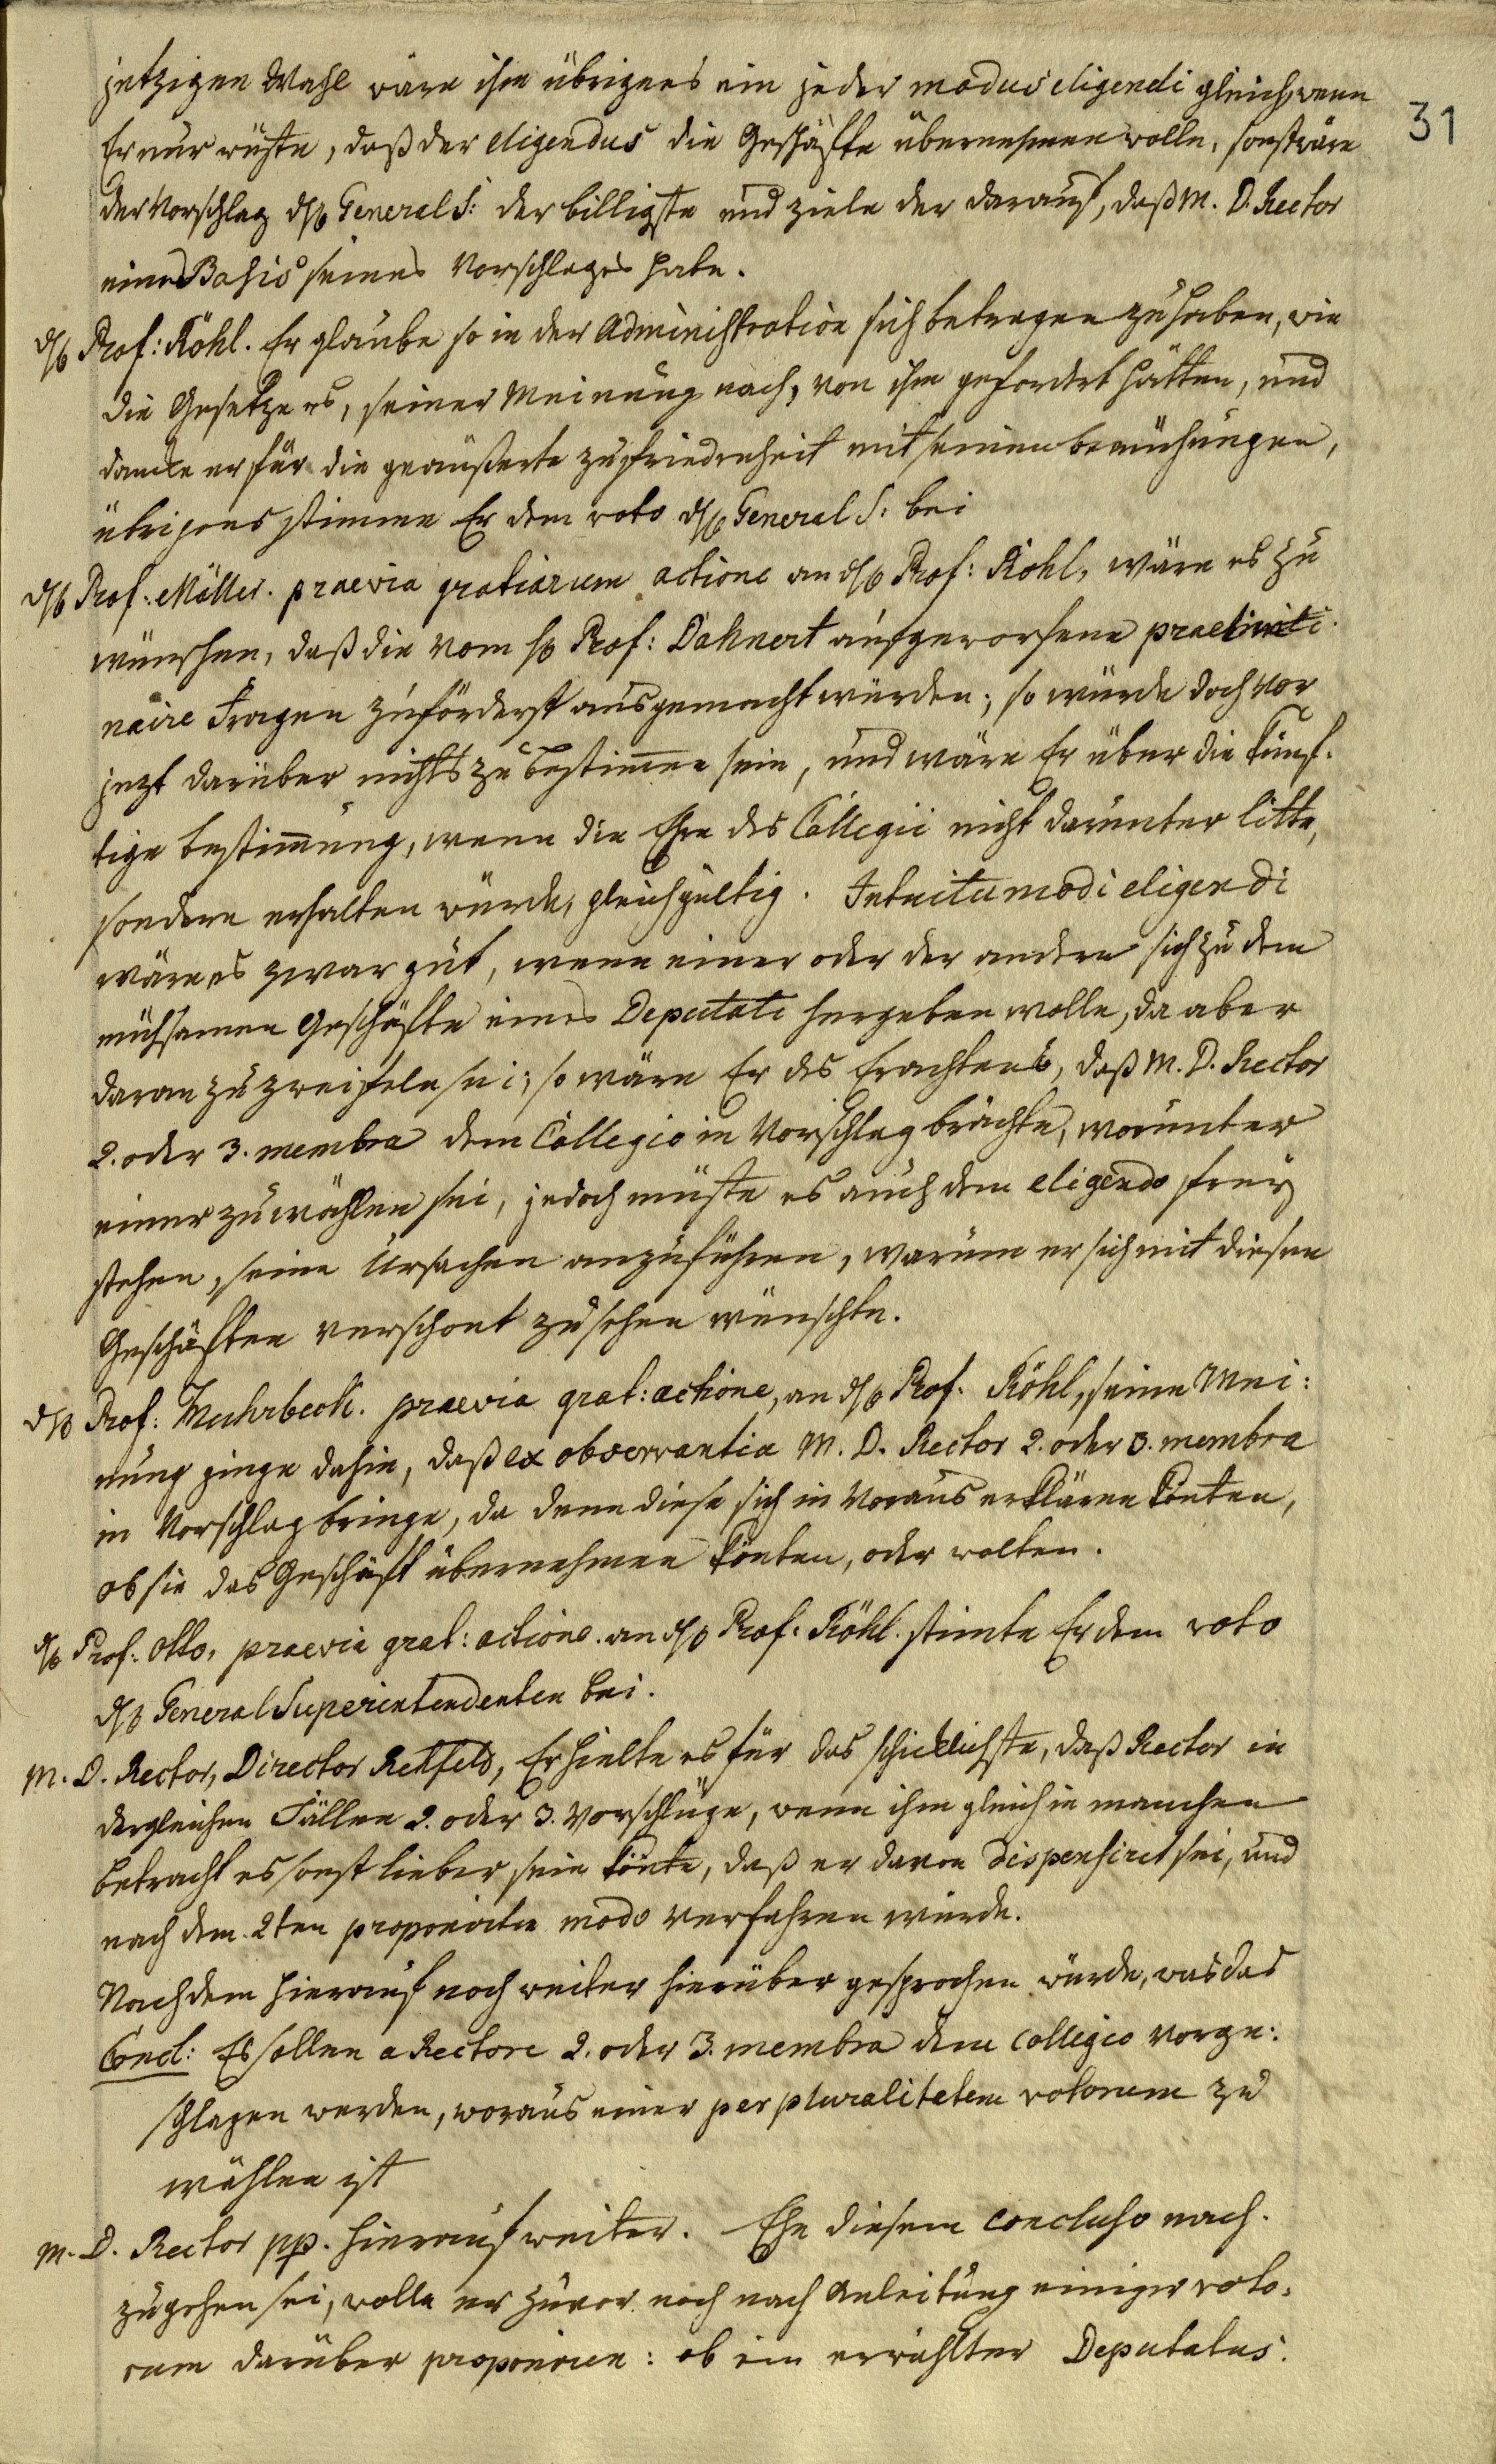jetzigen Wahl wäre ihm übrigens ein jeder modus eligendi gleich,wenn
Er nur wüste, daß der eligendus die Geschäfte übernehmen wolle, sonst wäre
der Vorschlag dh GeneralS. der billigste und ziele der darauf, daß M. D. Rector
eine Basis seines Vorschlages habe.
dh Prof. Röhl. Er glaube so in der Administration sich betragen zu haben, wie
die Gesetze es, seiner Meinung nach, von ihm gefordert hätten, und
danke er für die geäußerte Zufriedenheit mit seinen Bemühungen,
übrigens stimme Er dem voto dh GeneralS. bei
dh Prof. Möller. praevia gratiarum actione an dh Prof: Röhl, wäre es zu
wünschen, daß die vom h Prof. Dähnert aufgeworfene praelimi¬
naire Fragen zuförderst ausgemacht würden; so würde doch vor
jezt darüber nichts zu bestimen sein, und wäre Er über die künf¬
tige Bestimung, wenn die Ehre des Collegii nicht darunter litte,
sondern erhalten würde, gleichgültig. Intuitu modi eligendi
wäre es zwar gut, wenn einer oder der andere sich zu dem
mühsamen Geschäfte eines Deputati hergeben wolle, da aber
daran zu zweifeln sei, so wäre Er des Erachtens, daß M. D. Rector
2. oder 3. membra dem Collegio in Vorschlag brächte, worunter
einer zu wählen sei, jedoch müßte es auch dem eligendo freÿ
stehen, seine Ursachen anzuführen, warum er sich mit diesen
Geschäften verschont zu sehen wünschte.
dh Prof. Muhrbeck. praevia grat.actione, an dh Prof. Röhl, seine Mei
nung ginge dahin, daß ex observantia M. D. Rector 2. oder 3. membra
in Vorschlag bringe, da denn diese sich in voraus erklären könten,
ob sie das Geschäft übernehmen könten, oder wolten.
dh Prof. Otto, praevia grat. actione. an dh Prof: Röhl, stimte Er dem voto
dh GeneralSuperintendenten bei.
M. D. Rector, Director Rehfeld, Er hielte es für des schicklichste, daß Rector in
dergleichen Fällen 2. oder 3. vorschlüge, wenn ihm gleich in manchen
Betracht es sonst lieber sein könte, daß er davon dispensiret sei, und
nach dem 2ten proponirten modo verfahren würde.
Nachdem hierauf noch weiter hierüber gesprochen würde, war das
Concl. Es sollen a Rectore 2. oder 3. membra dem Collegio vorge¬
schlagen werden, woraus einer per pluralitatem votorum zu
wählen ist
M. D. Rector pp. hierauf weiter. Ehe diesem Concluso nach¬
zugehen sei, wolle er zuvor noch nach Anleitung einiger voto¬
rum darüber proponiren: ob ein erwählter Deputatus